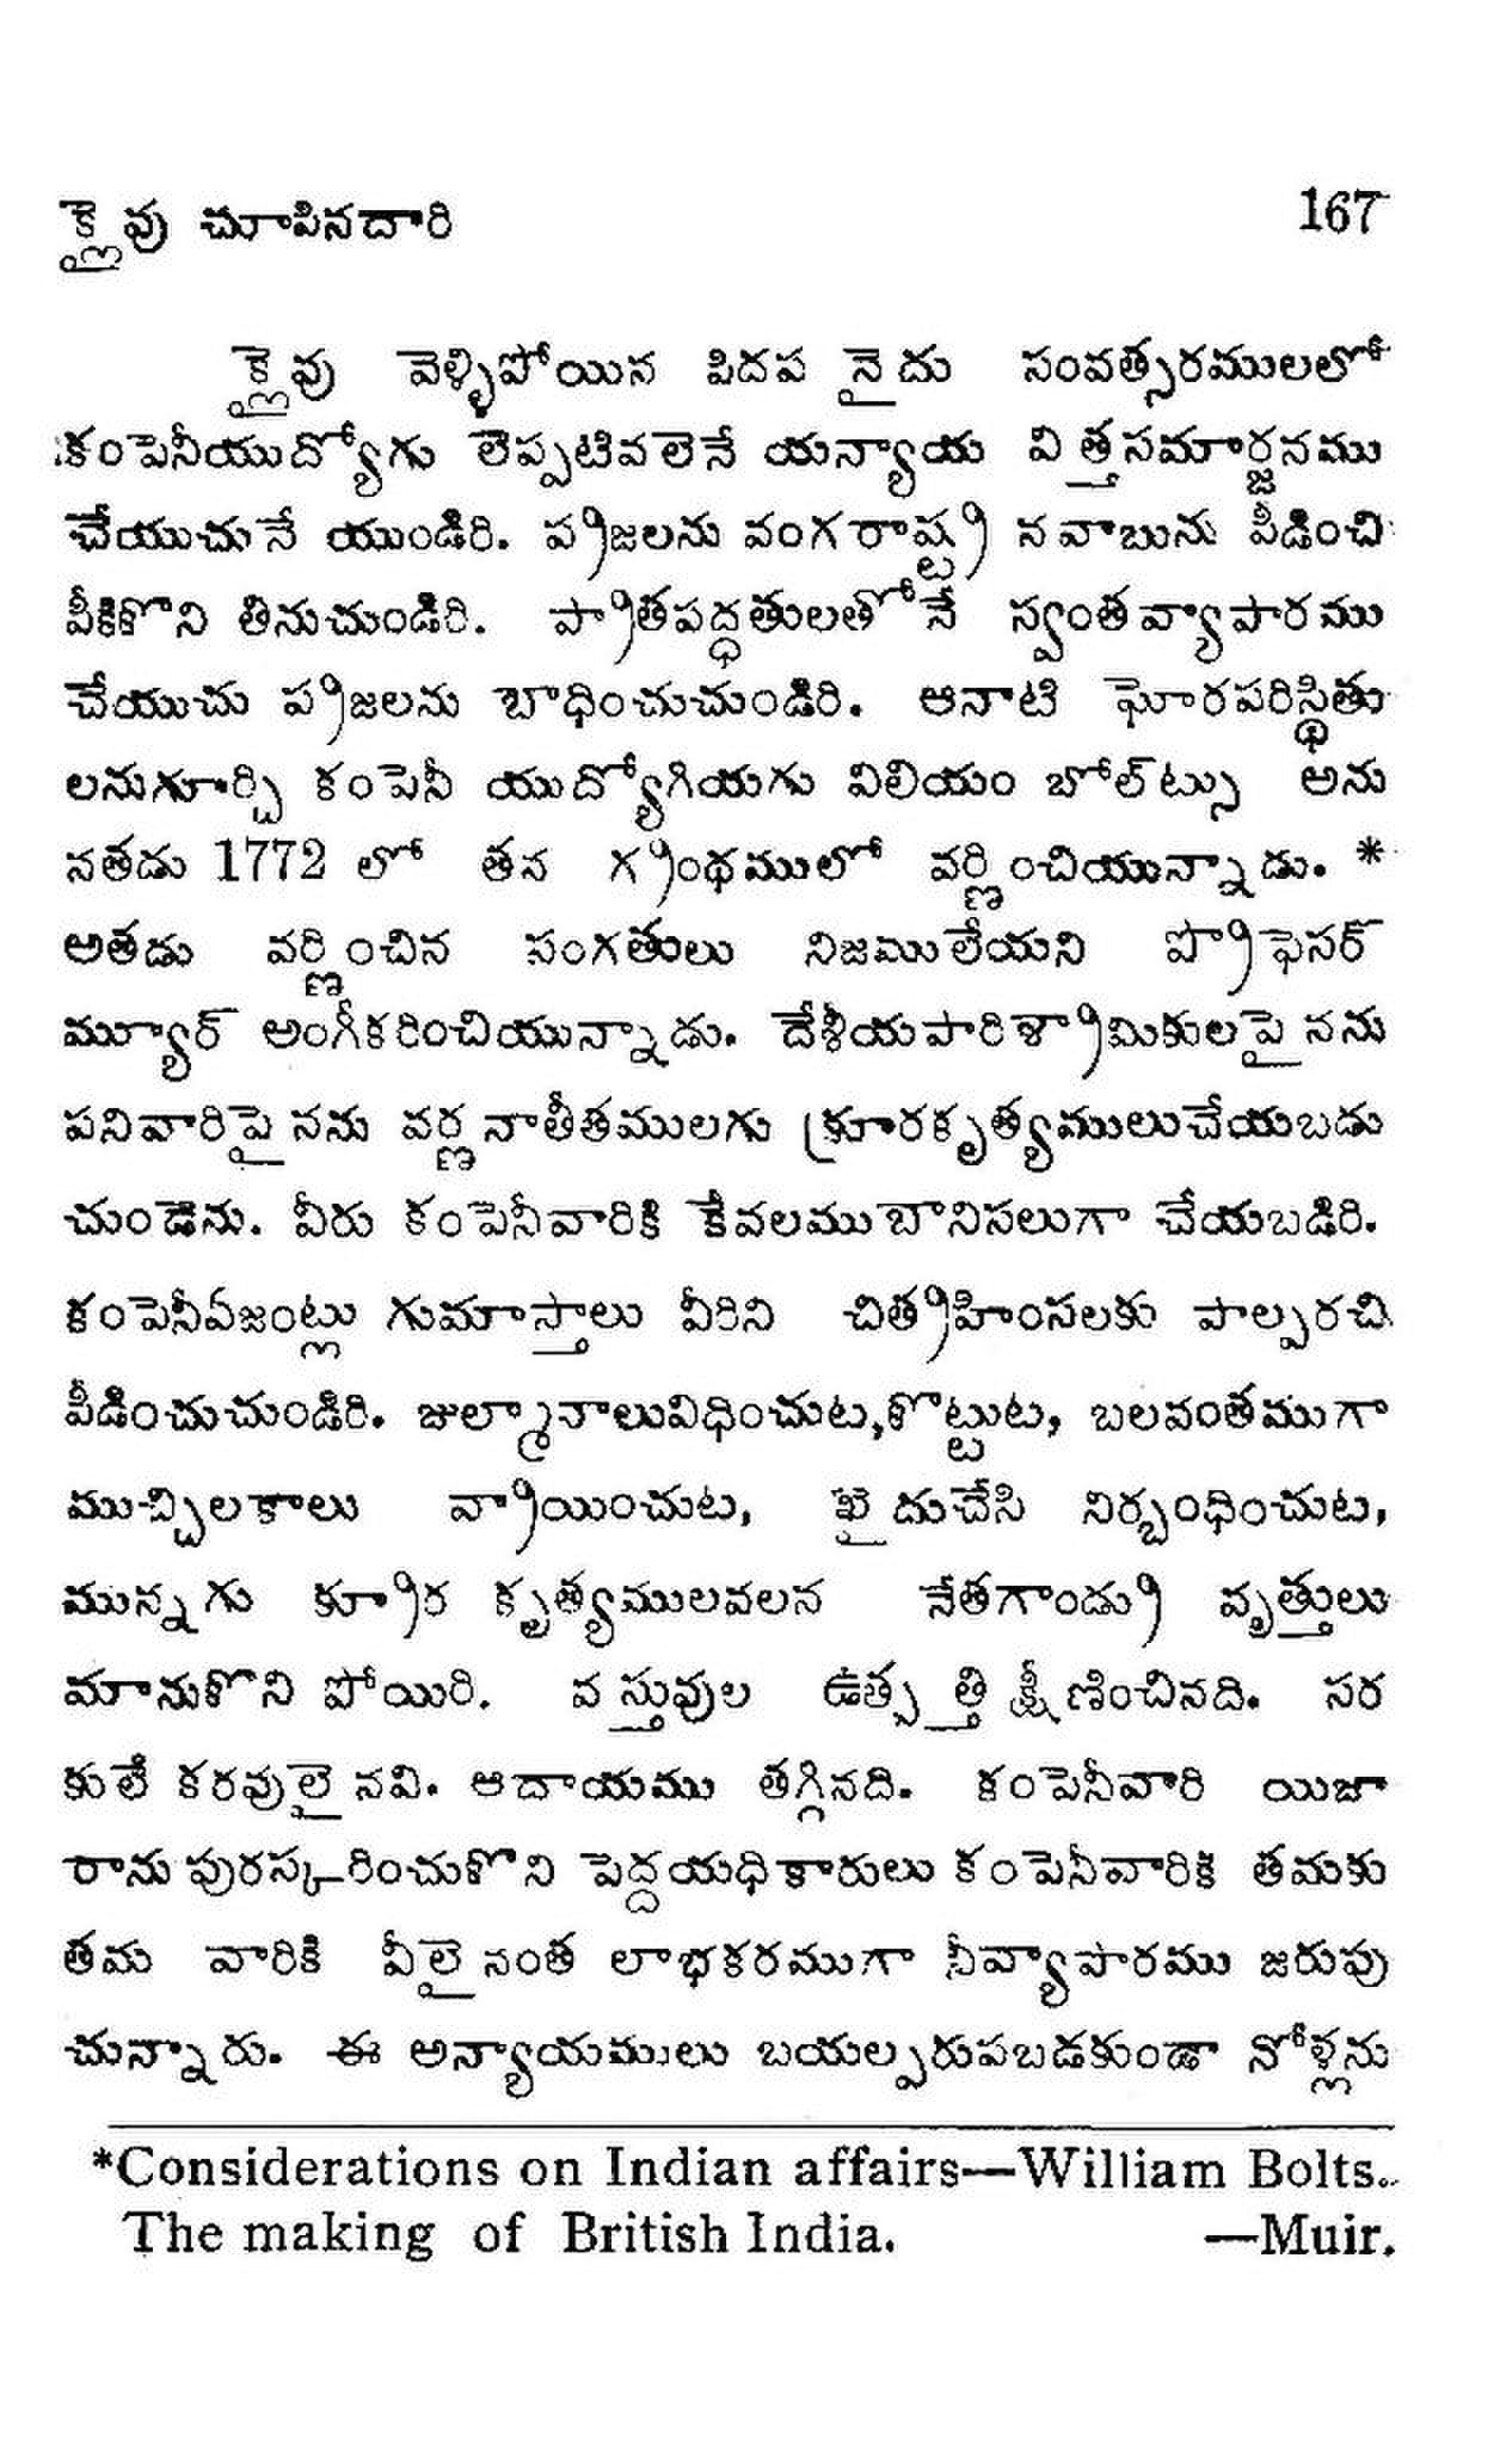క్లైవు వెళ్ళిపోయిన పిదప నైదు సంవత్సరములలో కంపెనీయుద్యోగు లెప్పటివలెనే యన్యాయ విత్తసమార్జనము చేయుచునే యుండిరి. ప్రజలను వంగరాష్ట్ర నవాబును పీడించి పీకికొని తినుచుండిరి. ప్రాతపద్ధతులతోనే స్వంతవ్యాపారము చేయుచు ప్రజలను బాధించుచుండిరి. ఆనాటి ఘోరపరిస్థితులనుగూర్చి కంపెనీ యుద్యోగియగు విలియం బోల్‌ట్సు అనునతడు 1772 లో తన గ్రంథములో వర్ణించియున్నాడు. అతడు వర్ణించిన సంగతులు నిజములేయని ప్రొఫెసర్ మ్యూర్ అంగీకరించియున్నాడు. దేశీయపారిశ్రామికులపైనను పనివారిపైనను వర్ణనాతీతములగు క్రూరకృత్యములు చేయబడు చుండెను. వీరు కంపెనీవారికి కేవలము బానిసలుగా చేయబడిరి. కంపెనీఏజంట్లు గుమాస్తాలు వీరిని చిత్రహింసలకు పాల్పరచి పీడించుచుండిరి. జుల్మానాలువిధించుట, కొట్టుట, బలవంతముగా ముచ్చిలకాలు వ్రాయించుట, ఖైదుచేసి నిర్బంధించుట, మున్నగు క్రూర కృత్యములవలన నేతగాండ్రు, వృత్తులు మానుకొని పోయిరి. వస్తువుల ఉత్పత్తి క్షీణించినది. సరకులే కరవులైనవి. ఆదాయము తగ్గినది. కంపెనీవారి యిజారాను పురస్కరించుకొని పెద్దయధికారులు కంపెనీవారికి తమకు తమ వారికి వీలైనంత లాభకరముగా నీ వ్యాపారము జరుపుచున్నారు. ఈ అన్యాయములు బయల్పరుపబడకుండా నోళ్లను